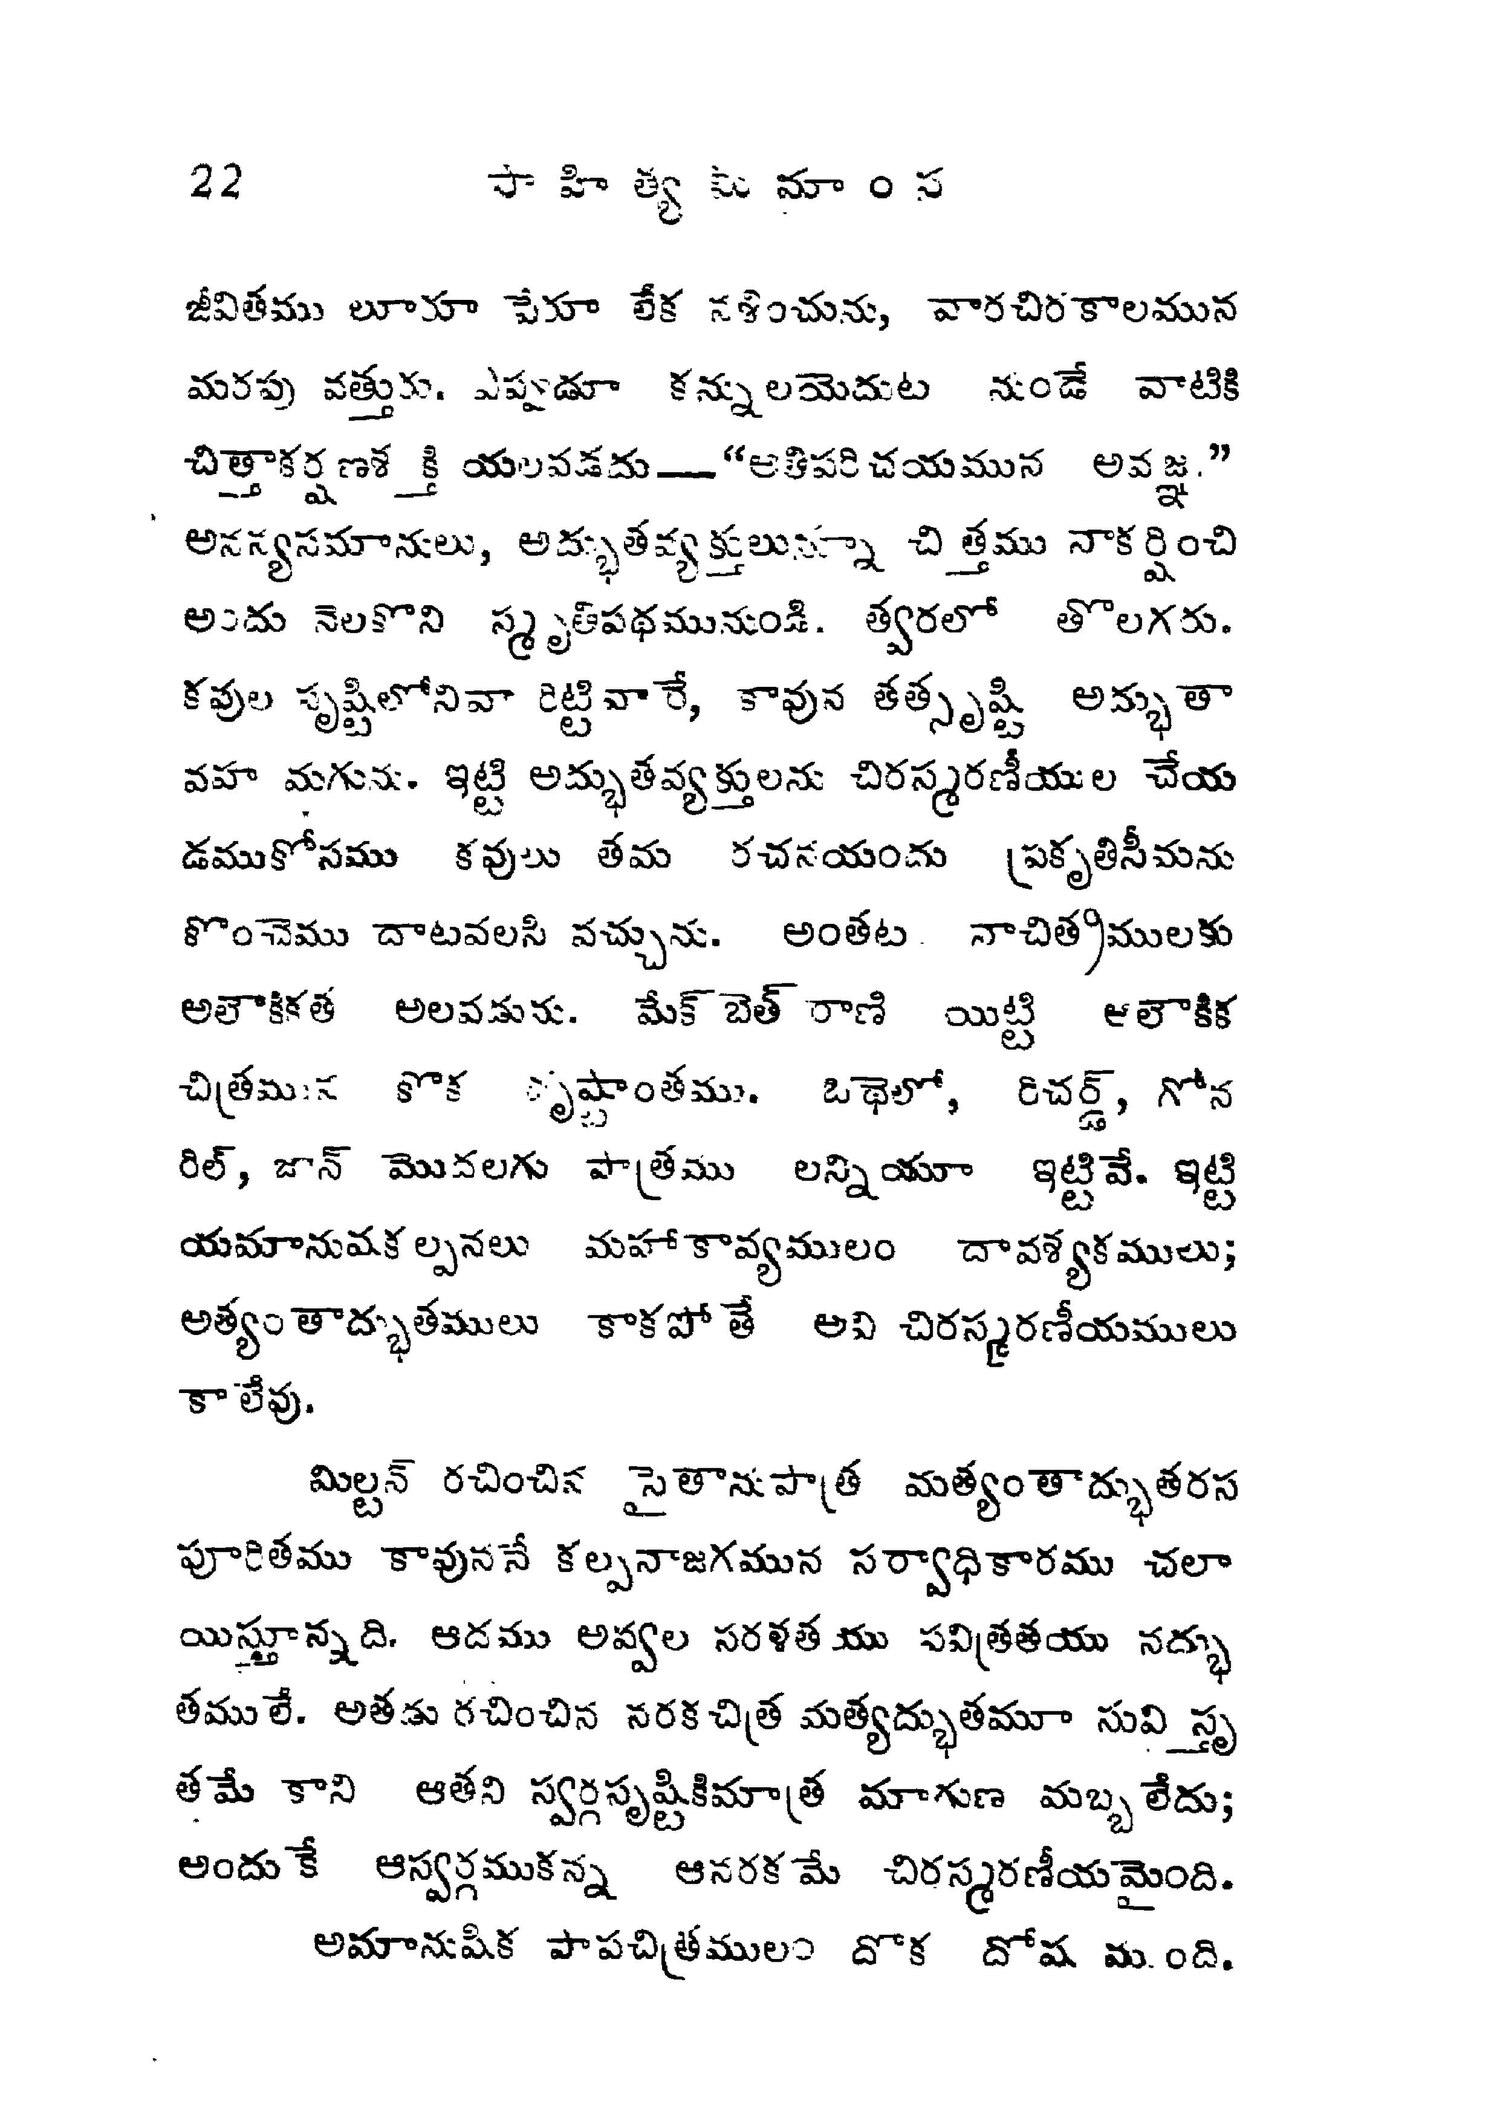జీవితము లూరూ పేరూ లేక నశించును, వారచిరకాలమున మరపు వత్తురు. ఎప్పుడూ కన్నులయెదుట నుండే వాటికి చిత్తాకర్షణశక్తి యలవడదు - "అతిపరిచయమున అవజ్ఞ" అనన్యసమానులు, అద్భుతవ్యక్తులున్నూ చిత్తము నాకర్షించి అందు నెలకొని స్మృతిపథమునుండి త్వరలో తొలగరు. కవుల సృష్టిలోనివా రిట్టివారే, కావున తత్సృష్టి అద్భుతావహ మగును. ఇట్టి అద్భుతవ్యక్తులను చిరస్మరణీయుల చేయడముకోసము కవులు తమ రచనయందు ప్రకృతిసీమను కొంచెము దాటవలసి వచ్చును. అంతట నాచిత్రములకు అలౌకికత అలవడును. మేక్‌బెత్ రాణి యిట్టి అలౌకిక చిత్రమున కొక దృష్టాంతము. ఒథెలో, రిచర్డ్, గోనరిల్, జాన్ మొదలగు పాత్రము లన్నియూ ఇట్టివే. ఇట్టి యమానుషకల్పనలు మహాకావ్యములం దావశ్యకములు; అత్యంతాద్భుతములు కాకపోతే అవి చిరస్మరణీయములు కాలేవు.

మిల్టన్ రచించిన సైతానుపాత్ర మత్యంతాద్భుతరసపూరితము కావుననే కల్పనాజగమున సర్వాధికారము చలాయిస్తూన్నది. ఆదము అవ్వల సరళతయు పవిత్రతయు నద్భుతములే. అతడు రచించిన నరకచిత్ర మత్యద్భుతమూ సువిస్తృతమే కాని ఆతని స్వర్గసృష్టికిమాత్ర మాగుణ మబ్బలేదు; అందుకే ఆస్వర్గముకన్న ఆనరకమే చిరస్మరణీయమైంది.

అమానుషిక పాపచిత్రములం దొక దోష మంది.